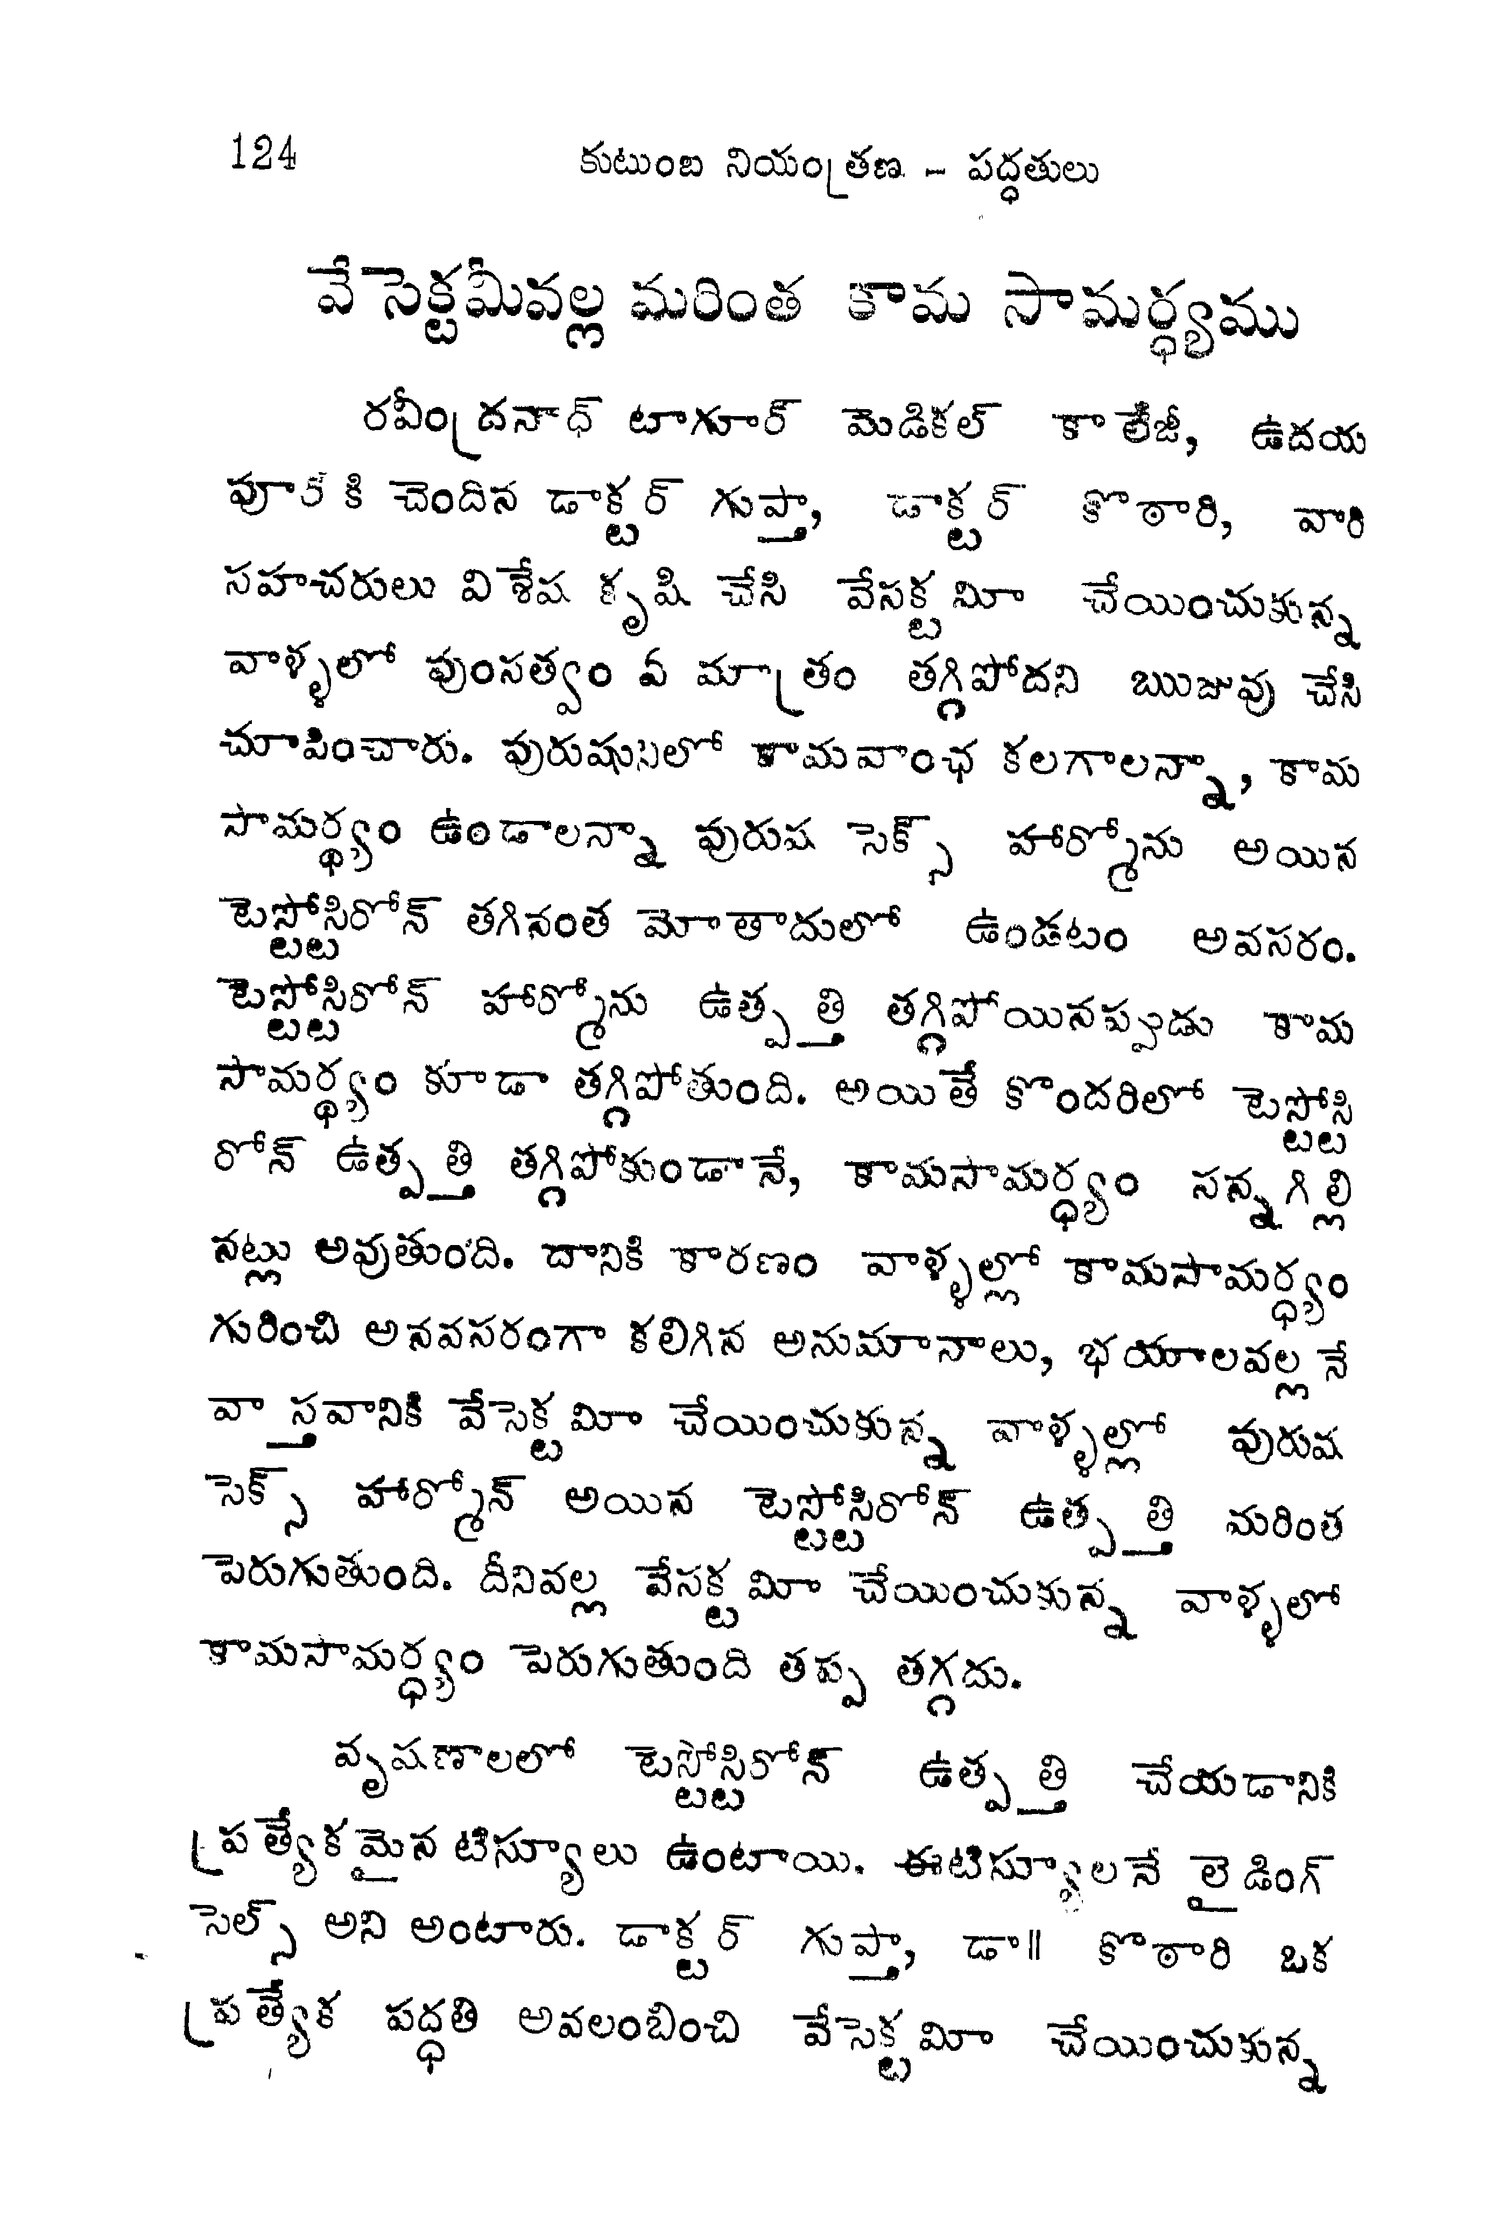రవీంద్రనాధ్ టాగూర్ మెడికల్ కాలేజీ, ఉదయపూర్‌కి చెందిన డాక్టర్ గుప్తా, డాక్టర్ కొఠారి, వారి సహచరులు విశేష కృషి చేసి వేసక్టమీ చేయించుకున్న వాళ్ళలో పుంసత్వం ఏ మాత్రం తగ్గిపోదని ఋజువు చేసి చూపించారు. పురుషునిలో కామవాంఛ కలగాలన్నా, కామసామర్ధ్యం ఉండాలన్నా పురుష సెక్స్ హార్మోను అయిన టెస్టోస్టిరోన్ తగినంత మోతాదులో ఉండటం అవసరం. తెస్టోస్టిరోన్ హార్మోను ఉత్పత్తి తగ్గిపోయినప్పుడు కామసామర్ధ్యం కూడా తగ్గిపోతుంది. అయితే కొందరిలో టెస్టోస్టిరోన్ ఉత్పత్తి తగ్గిపోకుండానే, కామసామర్ధ్యం సన్నగిల్లినట్లు అవుతుంది. దానికి కారణం వాళ్ళల్లో కామసామర్ధ్యం గురించి అనవసరంగా కలిగిన అనుమానాలు, భయాలవల్లనే వాస్తవానికి వేసక్టమీ చేయించుకున్న వాళ్ళల్లో కామసామర్ధ్యం గురించి అనవసరంగా కలిగిన అనుమానాలు, భయాలవలల్నె వాస్తవానికి వేసెక్టమీ చేయిందుకున్న వాళ్ళల్లో పురుష సెక్సు హార్మోన్ అయిన టెస్టోస్టిరోన్ ఉత్పత్తి మరింత పెరుగుతుంది. దీనివల్ల వేసక్టమీ చేయించుకున్న వాళ్ళలో కామసామర్ధ్యం పెరుగుతుంది తప్ప తగ్గదు.

వృషణాలలో టెస్టోస్టిరోన్ ఉత్పత్తి చేయడానికి ప్రత్యేకమైన టిస్యూలు ఉంటాయి. ఈటిస్యూలనే లైడింగ్ సెల్స్ అని అంటారు. డాక్టర్ గుప్తా, డా: కొఠారి ఒక ప్రత్య్హేక పద్ధతి అవలంబించి వేసెక్టమీ చేయించుకున్న